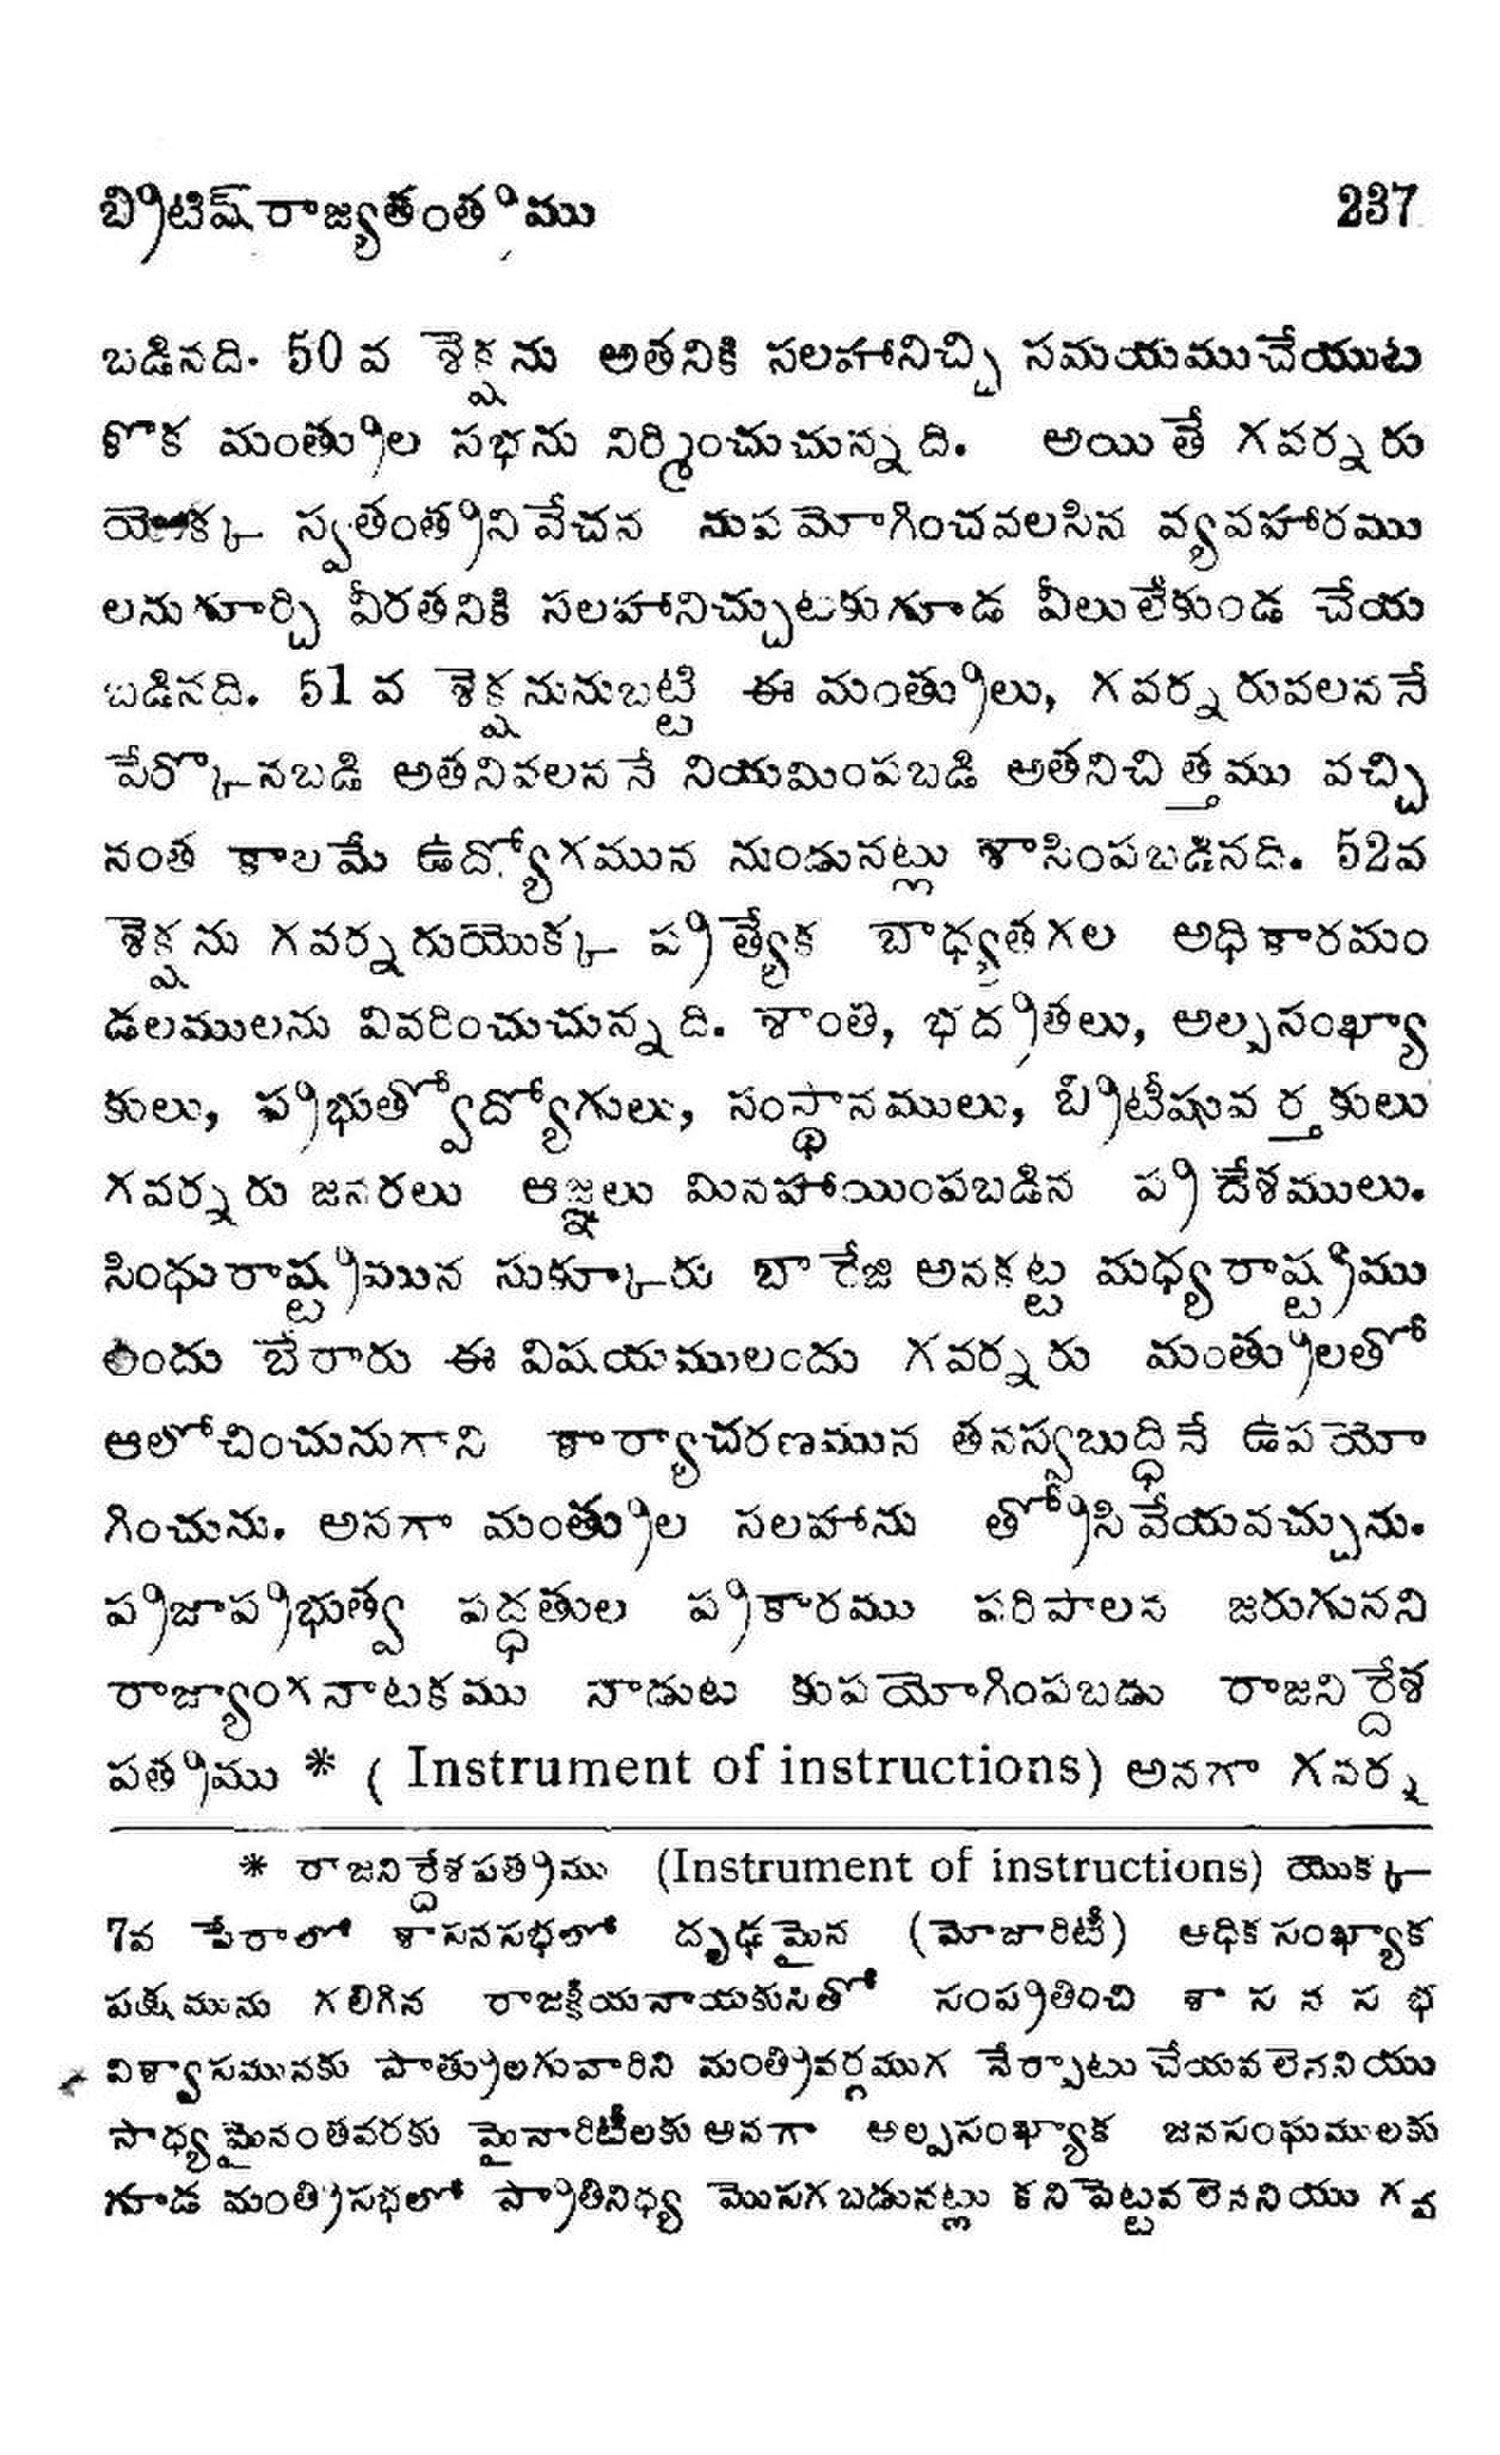బడినది. 50 వ శెక్షను అతనికి సలహానిచ్చి సమయముచేయుట కొక మంత్రుల సభను నిర్మించుచున్నది. అయితే గవర్నరుయొక్క స్వతంత్రనివేచన నుపయోగించవలసిన వ్యవహారములనుగూర్చి వీరతనికి సలహానిచ్చుటకుగూడ వీలులేకుండ చేయబడినది. 51 వ శెక్షనునుబట్టి ఈమంత్రులు, గవర్నరువలననే పేర్కొనబడి అతనివలననే నియమింపబడి అతనిచిత్తము వచ్చినంత కాలమే ఉద్యోగమున నుండునట్లు శాసింపబడినది. 52వ శెక్షను గవర్నరుయొక్క ప్రత్యేక బాధ్యతగల అధికారమండలములను వివరించుచున్నది. శాంతి, భద్రతలు, అల్పసంఖ్యాకులు, ప్రభుత్వోద్యోగులు, సంస్థానములు, బ్రిటీషువర్తకులు గవర్నరుజనరలు ఆజ్ఞలు మినహాయింపబడిన ప్రదేశములు. సింధురాష్ట్రమున సుక్కూరు బారేజి అనకట్ట మధ్యరాష్ట్రము లందు బేరారు ఈ విషయములందు గవర్నరు మంత్రులతో ఆలోచించునుగాని కార్యాచరణమున తసస్వబుద్ధినే ఉపయోగించును. అనగా మంత్రుల సలహాను త్రోసివేయవచ్చును. ప్రజాప్రభుత్వ పద్ధతుల ప్రకారము పరిపాలన జరుగునని రాజ్యంగనాటకము నాడుట కుపయోగింపబడు రాజనిర్దేశ పత్రము ( Instrument of instructions) అనగా గవర్న